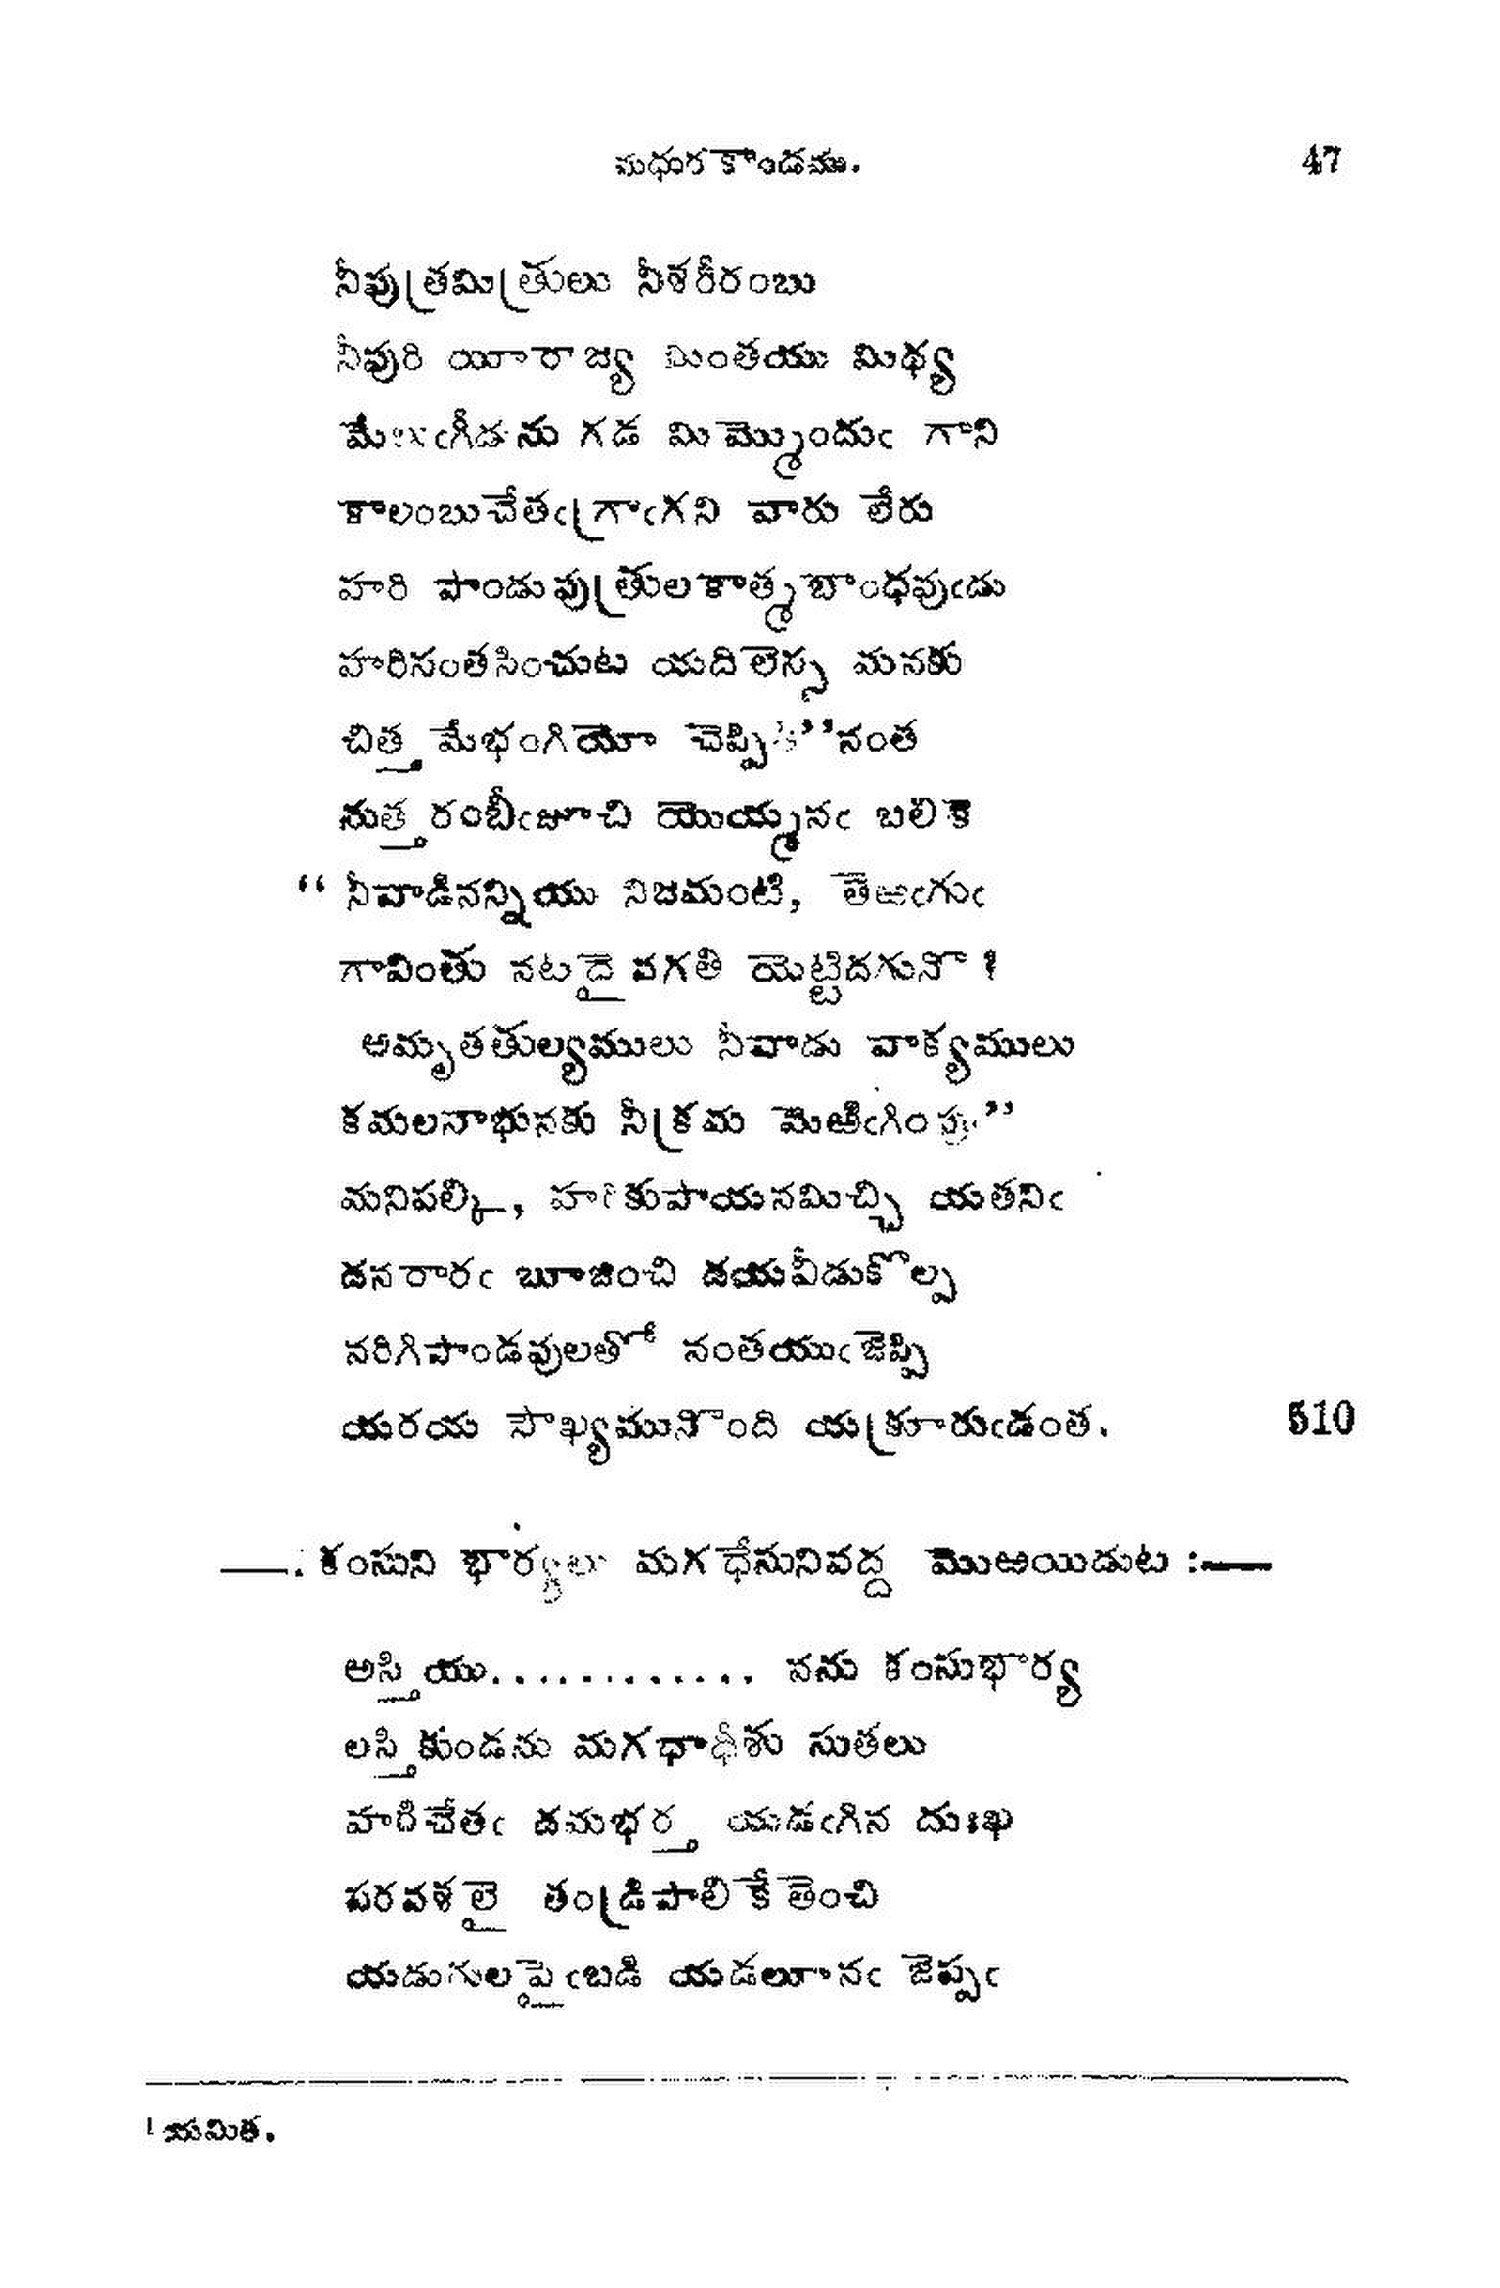నీపుత్రమిత్రులు నీశరీరంబు
నీపురి యీరాజ్య మింతయు మిథ్య
మేలుగీడును గడ మి మ్మొందుఁ గాని
కాలంబుచేతఁ గ్రాఁగనివారు లేరు
హరి పాండుపుత్రుల కాత్మబాంధవుఁడు
హరి సంతసించుట యది లెస్స మనకు
చిత్త మేభంగియో చెప్పితి"నంత
నుత్తరం బీఁజూచి యొయ్యనఁ బలికె
“నీ వాడినన్నియు నిజమంటి, తెఱఁగుఁ
గావింతు నట దైవగతి యెట్టిదగునొ?
అమృతతుల్యములు నీవాడు వాక్యములు
కమలనాభునకు నీక్రమ మెఱిఁగింపు.”
మని పల్కి, హరి కుపాయన మిచ్చి యతనిఁ
దనరారఁ బూజించి దయ వీడుకొల్ప
నరిగి పాండవులతో నంతయుఁ జెప్పి
యరయ సౌఖ్యము నొంది యక్రూరుఁ డంత,

అస్తియు.............నను కంసుభార్య
లస్తికుండలను మగధాధీశు సుతలు
హరిచేతఁ దమభర్త యడఁగిన దుఃఖ
పరవశలై తండ్రిపాలి కేతెంచి
యడుగులపైఁ బడి యడలూనఁ జెప్పఁ